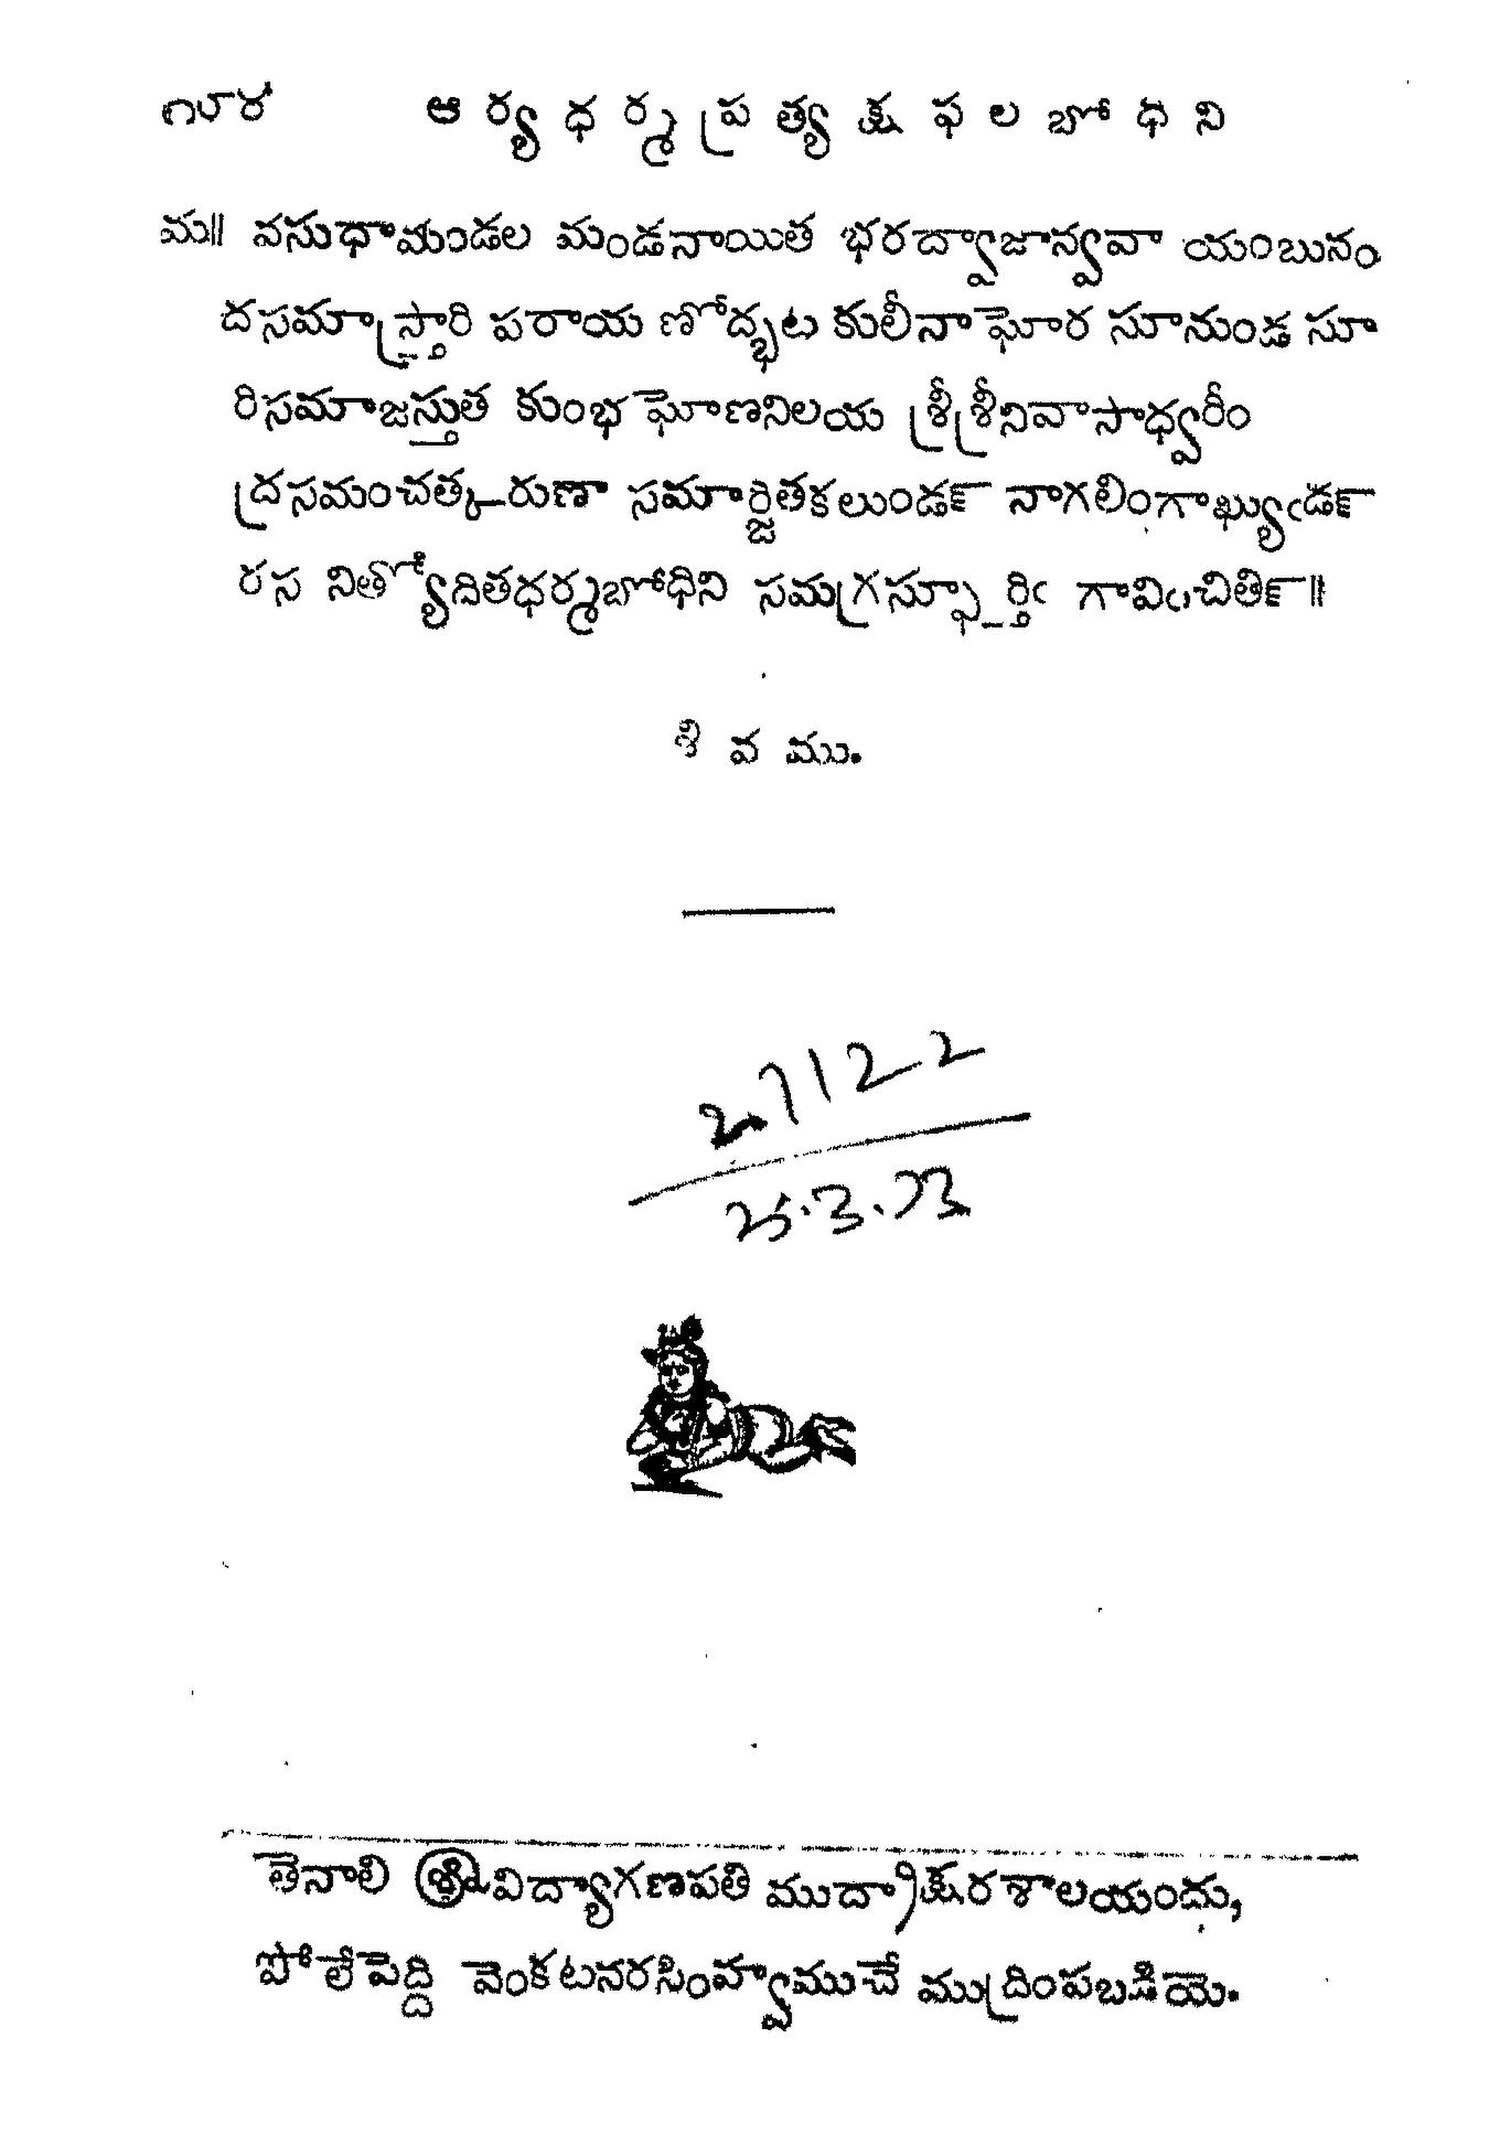మ॥ వసుధామండల మండనాయిత భరద్వాజాన్వవా యంబునం
 దసమాస్త్రారి పరాయ ణోద్భట కులీనాఘోర సూనుండ సూ
 రిసమాజస్తుత కుంభఘోణనిలయ శ్రీశ్రీనివాసాధ్వరీం
 ద్రసమంచత్కరుణా సమార్జితకలుండన్ నాగలింగాఖ్యుఁడన్
 రస నిత్యోదితధర్మబోధిని సమగ్రస్ఫూర్తిఁ గావించితిన్॥